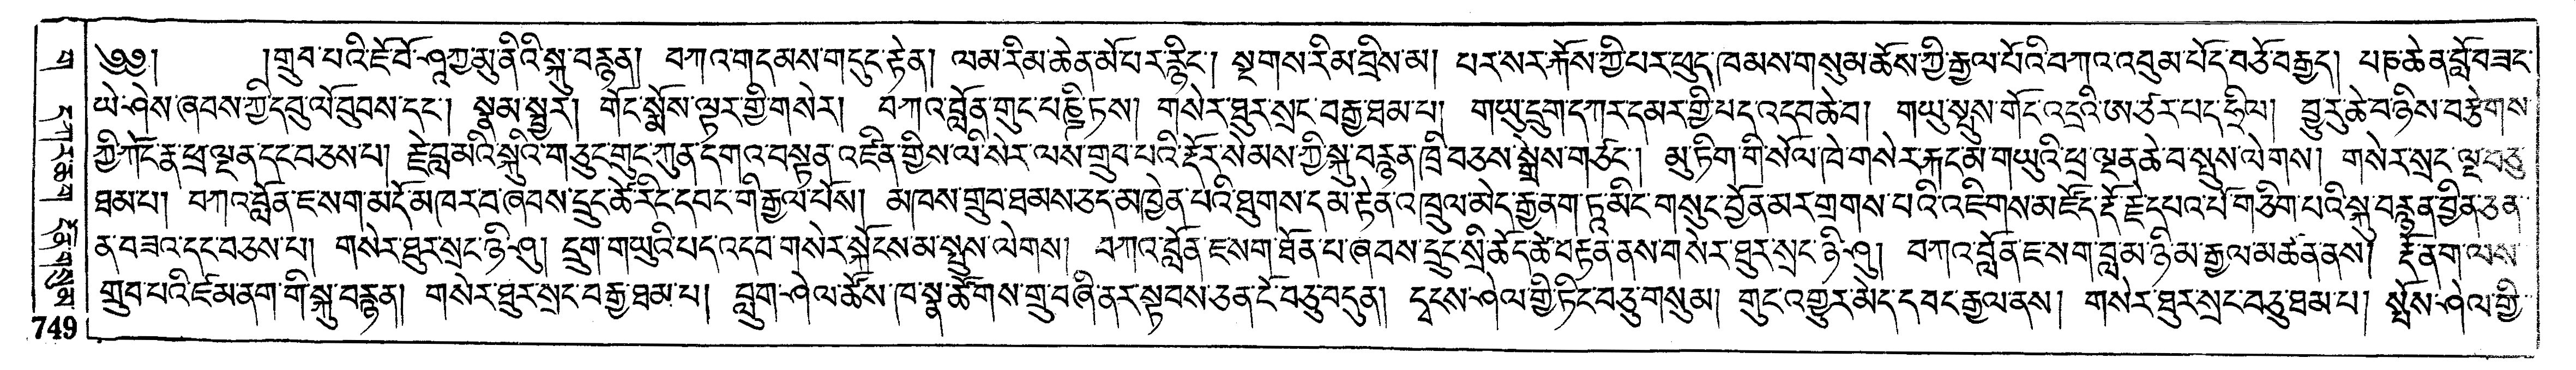༄༅། །གྲུབ་པའི་ཇོ་བོ་ཤཱཀྱ་མུ་ནིའི་སྐུ་བརྙན། བཀའ་གདམས་གདུང་རྟེན། ལམ་རིམ་ཆེན་མོ་པར་རྙིང་། སྔགས་རི་མ་བྲིས་མ། པར་སར་རྐོས་ཀྱི་བར་ཕུང་ཁམས་གསུམ་ཆོས་ཀྱི་རྒྱལ་པོའི་བཀའ་འབུམ་པོད་བཅོ་བརྒྱད། པཎ་ཆེན་བློ་བཟང་
ཡེ་ཤེས་ཞབས་ཀྱི་དབུ་ལོ་བུབས་དང་། སྣམ་སྦྱར། གོང་སྨོས་ལྟར་གྱི་གསེར། བཀའ་བློན་གུང་པཎྜི་ཏས། གསེར་ཐུར་སྲང་བརྒྱ་ཐམ་བ། གཡུ་དྲུག་དཀར་དམར་གྱི་པད་འདབ་ཆེ་བ། གཡུ་སྤུས་གོང་འདྲའི་ཨ་ཙར་པད་ཧྲིལ། བྱུ་རུ་ཆེ་བ་ཉིས་བརྩེགས་
ཀྱི་ཀོང་རྣ་ཕྲ་ལྡན་དང་བཅས་བ། རྗེ་བླ་མའི་སྐུའི་གཅུང་གུང་ཀུན་དགའ་བསྟན་འཛིན་གྱིས་ལི་སེར་ལས་གྲུབ་བའི་རྡོར་སེམས་ཀྱི་སྐུ་བརྙན་ཁྲི་བཅས་སྒྲེས་གཙང་། མུ་ཏིག་གི་སོལ་ཁེ་གསེར་རྐང་མ་གཡུའི་ཕྲ་ལྡན་ཆེ་བ་སྦུས་ལེགས། གསེར་སྲང་ལྔ་བཅུ་
ཐམ་པ། བཀའ་བློན་ཇ་སག་མདོ་མཁར་བ་ཞབས་དྲུང་ཚེ་རིང་དབང་གི་རྒྱལ་པོས། མཁས་གྲུབ་ཐམས་ཅད་མཁྱེན་པའི་ཐུགས་དམ་རྟེན་འཁྲུལ་མེད་རྒྱ་ནག་ཏཱ་མིང་གསུང་བྱོན་མར་གྲགས་པའི་འཇིགས་མཛད་རྡོ་རྗེ་དཔའ་བོ་གཅིག་པའི་སྐུ་བརྙན་བྱིན་ཅན་
ན་བཟའ་དང་བཅས་པ། གསེར་ཐུར་སྲང་ཉི་ཤུ། དྲུག་གཡུའི་པད་འདབ་གསེར་སྐོངས་མ་སྤུས་ལེགས། བཀའ་བློན་ཇ་སག་ཐོན་བ་ཞབས་དྲུང་སྲི་ཆོད་ཚེ་བརྟན་ནས་གསེར་ཐུར་སྲང་ཉི་ཤུ། བཀའ་བློན་ཇ་སག་བླ་མ་ཉི་མ་རྒྱལ་མཚན་ནས། རྡོ་ནག་ལས་
གྲུབ་བའི་ཛམ་ནག་གི་སྐུ་བརྙན། གསེར་ཐུར་སྲང་བརྒྱ་ཐམ་པ། བླུག་ཤེལ་ཚོས་ཁ་སྣ་ཚོགས་གྲུ་བཞི་ནར་སྟབས་ཅན་ངོ་བཅུ་བདུན། དྭངས་ཤེལ་གྱི་ཏིང་བཅུ་གསུམ། གུང་འགྱུར་མེད་དབང་རྒྱལ་ནས། གསེར་ཐུར་སྲང་བཅུ་ཐམ་པ། སྤོས་ཤེལ་གྱི་